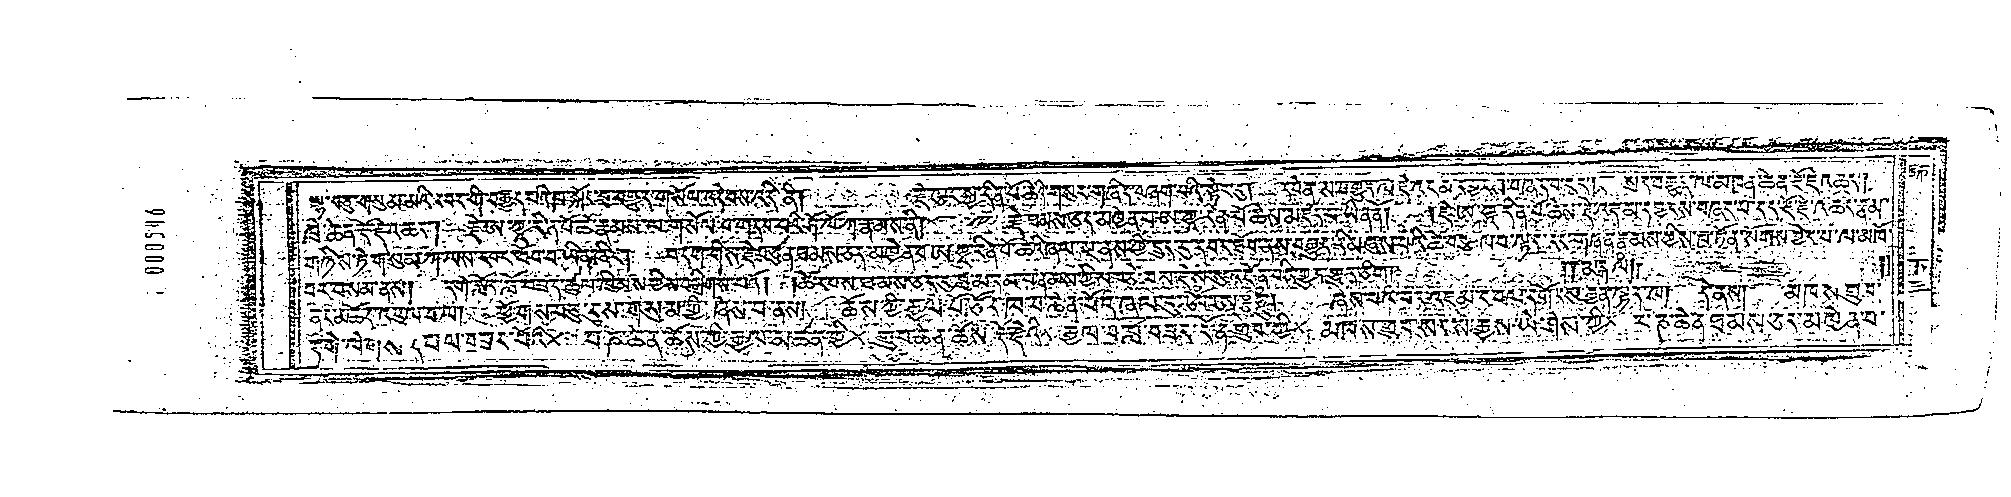ལྷ་བཅུ་གསུམ་མའི་དབང་གི་བརྒྱུད་པའི་ཁ་སྐོང་བླ་བརྒྱུད་གསོལ་འདེབས་འདི་ནི། རྗེ་ལྕང་སྐྱ་རིན་པོ་ཆེའི་གསུང་གཞིང་བཞག་པའི་སྟེང་དུ། དཔེན་ས་བརྒྱུད་ལ་ཇེ་འཇམ་དབྱངས་བཞད་པ་དང་། སྲད་བརྒྱུད་ལ་མཁན་ཆེན་རྡོ་རྗེ་འཆང་།
ཁྲི་ཆེན་རྡོ་རྗེ་འཆང་། རྗེ་ཨ་ཀྱཱ་རིན་པོ་ཆེ་རྣམས་ལ་གསོལ་བ་གདབ་པའི་ཤོ་ལོ་ཀ་རྣམས་ནི། ༧་རྗེ་ཐམས་ཅད་མཁྱེན་པ་ཨ་ཀྱཱ་རིན་པོ་ཆེས་མཛད་པ་ཡིན་ནོ། །རྗེ་ཨ་ཀྱཱ་རིན་པོ་ཆེས་རྗེ་འཇམ་དབྱངས་བཞད་པ་དང་རྡོ་རྗེ་འཆང་རྣམ་
གཉིས་ཏེ་གསུམ་ཀ་ལས་དབང་ཐོབ་བ་ཡིན་ཞིང་། བདག་གིས་རྗེ་བཙུན་ཐམས་ཅད་མཁྱེན་པ་ཨ་ཀྱཱ་རིན་པོ་ཆེའི་ཞལ་སྔ་ནས་ཀྱི་དྲུང་དུ་དབང་ཐོབ་ནས་བརྒྱུད་རིམ་ཞུས་པའི་ཚེ་བསྩལ་བ་ལྟར་རང་གཞན་རྣམས་ཀྱིས་ཁ་ཏོན་སོགས་བྱེད་པ་ལ་མཁོ་
བར་བསམ་ནས། དགེ་སློང་བློ་བཟང་ཚུལ་ཁྲིམས་ཀྱིས་བསྒྲིགས་པའོ། །ཚེ་རབས་ཐམས་ཅད་དུ་ཟླ་མ་དམ་པ་རྣམས་ཀྱིས་བརྩེ་བས་རྗེས་སུ་འཛིན་པའི་རྒྱུད་གྱུར་ཅིག། །།མངྒ་ལཾ།། །།
ནང་མཆོད་འབུལ་བ་ལ། ཕྱོགས་བཅུ་དུས་གསུམ་གྱི་ཞེས་བ་ནས། ཆོས་ཀྱི་རྒྱལ་པོ་ཙོང་ཁ་པ་ཆེན་པོའི་ཞལ་དུ་ཨོཾ་ཨཱཿ་ཧཱུཾ། ཞེས་པའི་བར་འཇམ་དཔལ་དགོངས་རྒྱན་ལྟར་ཁ། དེ་ནས། མཁས་གྲུབ་
དགེ་ལེགས་དཔལ་བཟང་པོའི་྾་པཎ་ཆེན་ཆོས་ཀྱི་རྒྱལ་མཚན་གྱི་྾་གྲུབ་ཆེན་ཆོས་རྡོ་རྗེའི་྾་རྒྱལ་བ་བློ་བཟང་དོན་གྲུབ་ཀྱི་྾་མཁས་གྲུབ་སངས་རྒྱས་ཡེ་ཤེས་ཀྱི་྾་པཎ་ཆེན་ཐམས་ཅད་མཁྱེན་པ་